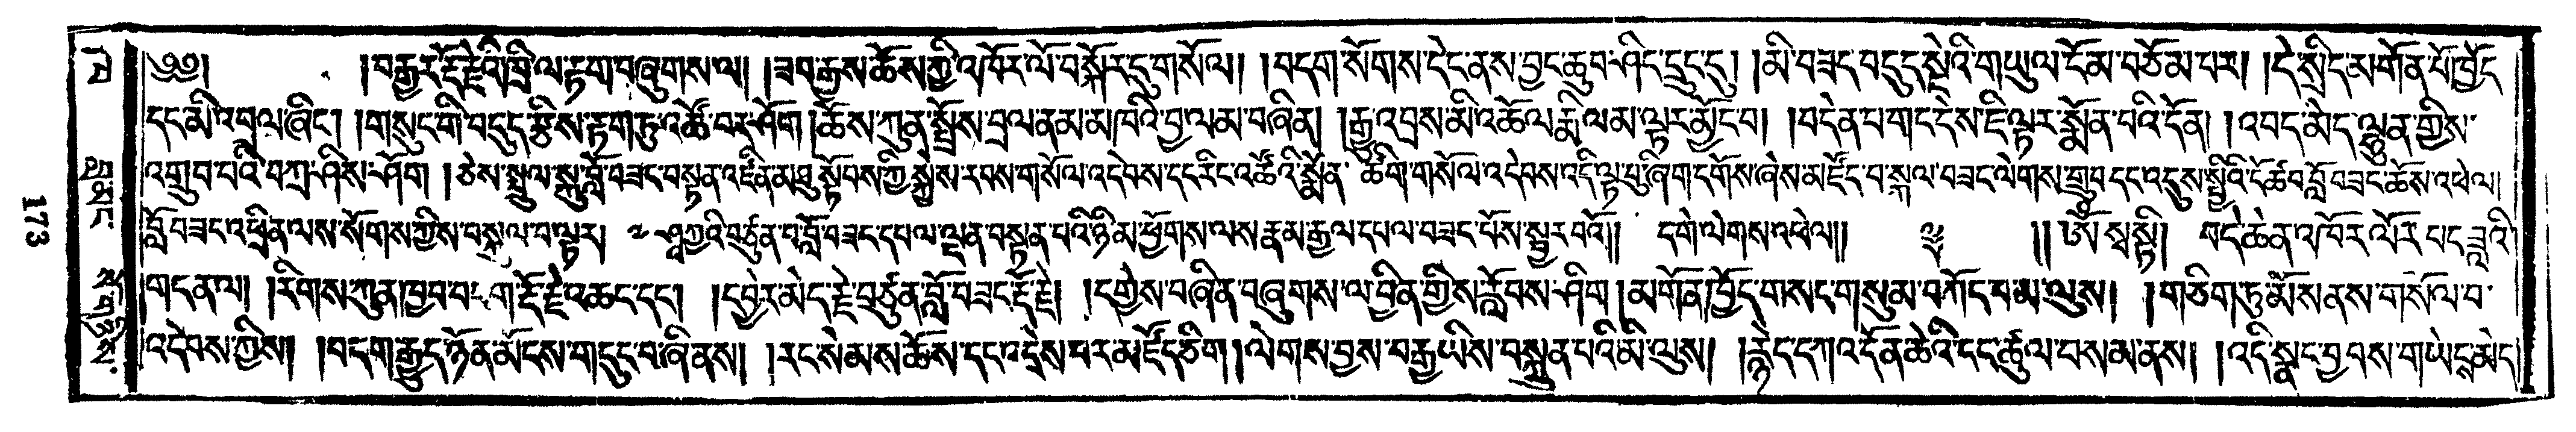༄༅། །བརྒྱར་རྡོ་རྗེའི་ཁྲི་ལ་རྟག་བཞུགས་ལ། །ཟབ་རྒྱས་ཆོས་ཀྱི་འཁོར་ལོ་བསྐོར་དུ་གསོལ། །བདག་སོགས་དེང་ནས་བྱང་ཆུབ་ཤིང་དྲུང་དུ། །མི་བཟད་བདུད་སྔེའི་གཡུལ་ངོ་མ་བཅོམ་པར། །དེ་སྲིད་མགོན་པོ་ཁྱོད་
དང་མི་འབྲལ་ཞིང་། །གསུང་གི་བདུད་རྩིས་རྟག་ཏུ་འཚོ་བར་ཤོག །ཆོས་ཀུན་སྤྲོས་བྲལ་ནམ་མཁའི་བྱ་ལམ་བཞིན། །རྒྱུ་འབྲས་མི་འཆོལ་རྨི་ལམ་ལྟར་མྱོང་བ། །བདེན་པ་གང་དེས་ཇི་ལྟར་སྨོན་པའི་དོན། །འབད་མེད་ལྷུན་གྱིས་
འགྲུབ་པའི་བཀྲ་ཤིས་ཤོག །ཅེས་སྤྲུལ་སྐུ་བློ་བཟང་བསྟན་འཛིན་མཐུ་སྟོབས་ཀྱི་སྐྱེས་རབས་གསོལ་འདེབས་དང་རིང་འཚོའི་སྨོན་ཚིག་གསོལ་འདེབས་འདི་ལྟ་བུ་ཞིག་དགོས་ཞེས་མཛོད་བ་སྐལ་བཟང་ལེགས་གྲུབ་དང་འདུས་སྤྱིའི་ངོ་ཚབ་བློ་བཟང་ཆོས་འཕེལ།
བློ་བཟང་འཕྲིན་ལས་སོགས་ཀྱིས་བསྐུལ་བ་ལྟར། ༧་ཤཱཀྱའི་བཙུན་བ་བློ་བཟང་དཔལ་ལྡན་བསྟན་པའི་ཉི་མ་ཕྱོགས་ལས་རྣམ་རྒྱལ་དཔལ་བཟང་པོས་སྦྱར་བའོ།། དགེ་ལེགས་འཕེལ།། ༈ །།ཨོཾ་སྭསྟི། བདེ་ཆེན་འཁོར་ལོར་པང་ཟླའི་
གདན་ལ། །རིགས་ཀུན་ཁྱབ་བདག་རྡོ་རྗེ་འཆང་དང་། །དབྱེར་མེད་རྗེ་བཙུན་བློ་བཟང་རྡོ་རྗེ། །དགྱེས་བཞིན་བཞུགས་ལ་བྱིན་གྱིས་རློབས་ཤིག །མགོན་ཁྱོད་གསང་གསུམ་བཀོད་བ་མ་ལུས། །གཅིག་ཏུ་མོས་ནས་གསོལ་བ་
འདེབས་ཀྱིས། །བདག་རྒྱུད་ཉོན་མོངས་གདུང་བ་ཞི་ནས། །རང་སེམས་ཆོས་དང་འདྲེས་པར་མཛོད་ཅིག །ལེགས་བྱས་བརྒྱ་ཡིས་བསྐྲུན་པའི་མི་ལུས། །རྙེད་དཀའ་དོན་ཆེའི་ངང་ཚུལ་བསམ་ནས། །འདི་སྣང་བྱ་བས་གཡེངས་མེད་